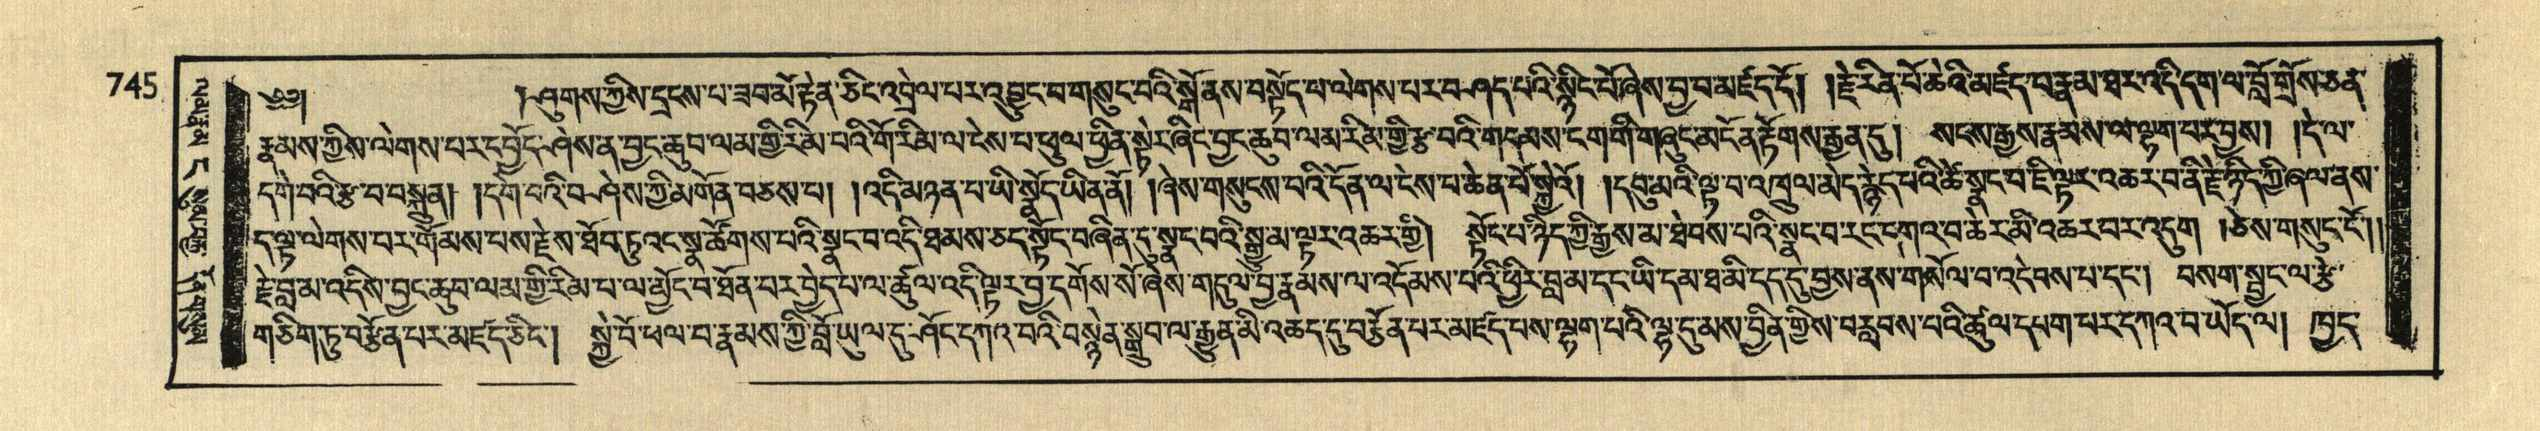༄༅། །ཤུགས་ཀྱིས་དྲངས་པ་ཟབ་མོ་རྟེན་ཅིང་འབྲེལ་པར་འབྱུང་བ་གསུང་བའི་སྒོ་ནས་བསྟོད་པ་ལེགས་པར་བཤད་པའི་སྙིང་པོ་ཞེས་བྱ་བ་མཛད་དོ། །རྗེ་རིན་པོ་ཆེའི་མཛད་བ་རྣམ་ཐར་འདི་དག་ལ་བློ་གྲོས་ཅན་
རྣམས་ཀྱིས་ལེགས་པར་དཔྱོད་ཤེས་ན་བྱང་ཆུབ་ལམ་གྱི་རིམ་པའི་གོ་རིམ་ལ་ངེས་པ་ཕུལ་ཕྱིན་སྟེར་ཞིང་བྱང་ཆུབ་ལམ་རིམ་གྱི་རྩ་བའི་གདམས་ངག་གི་གཞུང་མངོན་རྟོགས་རྒྱན་དུ། སངས་རྒྱས་རྣམས་ལ་ལྷག་པར་བྱས། །དེ་ལ་
དགེ་བའི་རྩ་བ་བསྐྲུན། །དགེ་བའི་བཤེས་ཀྱི་མགོན་བཅས་པ། །འདི་མཉན་པ་ཡི་སྣོད་ཡིན་ནོ། །ཞེས་གསུངས་པའི་དོན་ལ་ངེས་པ་ཆེན་པོ་སྐྱེའོ། །དབུ་མའི་ལྟ་བ་འཁྲུལ་མེད་རྙེད་པའི་ཚེ་སྣང་པ་ཇི་ལྟར་འཆར་བ་ནི་རྗེ་ཉིད་ཀྱི་ཞལ་ནས་
ད་ལྟ་ལེགས་བར་གོམས་པས་རྗེས་ཐོབ་ཏུའང་སྣ་ཚོགས་པའི་སྣང་བ་འདི་ཐམས་ཅད་སྟོང་བཞིན་དུ་སྣང་བའི་སྒྱུ་མ་ལྟར་འཆར་གྱི། སྟོང་པ་ཉིད་ཀྱི་རྒྱས་མ་ཐེབས་པའི་སྣང་བ་རང་དགའ་བ་ཆེར་མི་འཆར་བར་འདུག །ཅེས་གསུང་ངོ། །
རྗེ་བླ་མ་འདིས་བྱང་ཆུབ་ལམ་གྱི་རིམ་པ་ལ་མྱོང་བ་ཐོན་བར་བྱེད་པ་ལ་ཚུལ་འདི་ལྟར་བྱ་དགོས་སོ་ཞེས་གདུལ་བྱ་རྣམས་ལ་འདོམས་པའི་ཕྱིར་བླ་མ་དང་ཡི་དམ་ཐ་མི་དད་དུ་བྱས་ནས་གསོལ་བ་འདེབས་པ་དང་། བསག་སྦྱང་ལ་རྩེ་
གཅིག་ཏུ་བརྩོན་པར་མཛད་ཅིང་། སྐྱེ་བོ་ཕལ་བ་རྣམས་ཀྱི་བློ་ཡུལ་དུ་ཤོང་དཀའ་བའི་བསྙེན་སྒྲུབ་ལ་རྒྱུན་མི་འཆད་དུ་བརྩོན་པར་མཛད་པས་ལྷག་པའི་ལྷ་དུ་མས་བྱིན་གྱིས་བརླབས་པའི་ཚུལ་དཔག་པར་དཀའ་བ་ཡོད་ལ། ཁྱད་